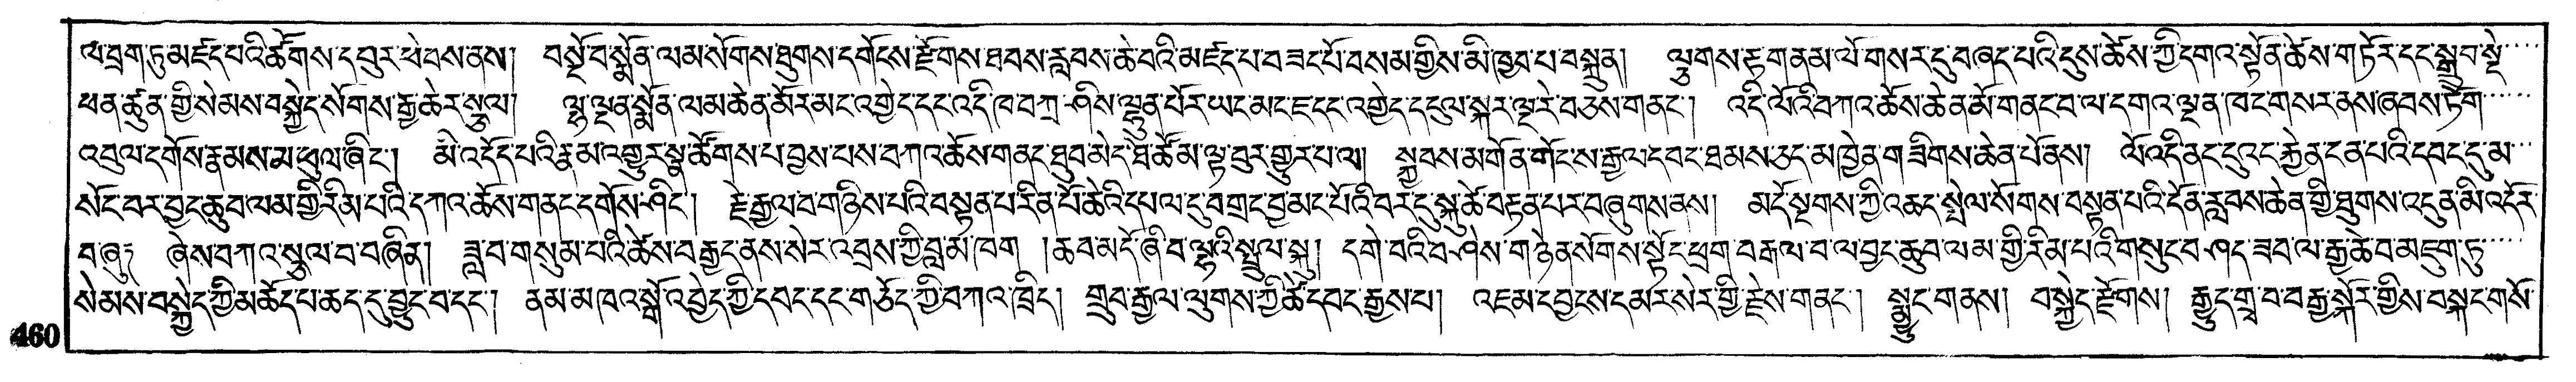ཁ་བྲག་ཏུ་མཛད་པའི་ཚོགས་དབུར་ཕེབས་ནས། བསྔོ་བ་སྨོན་ལམ་སོགས་ཐུགས་དགོངས་རྫོགས་ཐབས་རླབས་ཆེ་པའི་མཛད་པ་བཟང་པོ་བསམ་གྱིས་མི་ཁྱབ་པ་བསྐྲུན། ལྕགས་རྟ་གནམ་ལོ་གསར་དུ་བཞད་པའི་དུས་ཚེས་ཀྱི་དགའ་སྟོན་ཚེས་གཏོར་དང་སྒྲུབ་སྡེ་
ཕན་ཚུན་གྱི་སེམས་བསྐྱེད་སོགས་རྒྱ་ཆེར་སྩལ། ལྷ་ལྡན་སྨོན་ལམ་ཆེན་མོར་མང་འགྱེད་དང་འདི་ཁ་བཀྲ་ཤིས་ལྷུན་པོར་ཡང་མང་ཇ་དང་འགྱེད་དངུལ་སྐར་ལྔ་རེ་བཅས་གནང་། འདི་ལོའི་བཀའ་ཆོས་ཆེན་མོ་གནང་བ་ལ་དགའ་ལྡན་ཁང་གསར་ནས་ཞབས་ཏོག་
འབུལ་དགོས་རྣམས་མ་ཕུལ་ཞིང་། མི་འདོད་པའི་རྣམ་འགྱུར་སྣ་ཚོགས་པ་བྱས་པས་བཀའ་ཆོས་གནང་ཐུབ་མིན་ཐེ་ཚོམ་ལྟ་བུར་གྱུར་པ་ལ། སྐྱབས་མགོན་གོང་ས་རྒྱལ་དབང་ཐམས་ཅད་མཁྱེན་གཟིགས་ཆེན་པོ་ནས། ལོ་འདི་ནང་དུའང་རྐྱེན་ངན་པའི་དབང་དུ་མ་
སོང་བར་བྱང་ཆུབ་ལམ་གྱི་རིམ་པའི་བཀའ་ཆོས་གནང་དགོས་ཤིང་། རྗེ་རྒྱལ་བ་གཉིས་པའི་བསྟན་པ་རིན་པོ་ཆེའི་དཔལ་དུ་བགྲང་བྱ་མང་པོའི་བར་དུ་སྐུ་ཚེ་བརྟན་པར་བཞུགས་ནས། མདོ་སྔགས་ཀྱི་འཆད་སྤེལ་སོགས་བསྟན་པའི་དོན་རླབས་ཆེན་གྱི་ཐུགས་འདུན་མི་འདོར་
བ་ཞུ༑ ཞེས་བཀའ་སྩལ་པ་བཞིན། ཟླ་བ་གསུམ་བའི་ཚེས་བརྒྱད་ནས་སེར་འབྲས་ཀྱི་བླ་མ་ཁག །ཆབ་མདོ་ཞིབ་ལྷའི་སྤྲུལ་སྐུ། དགེ་བའི་བཤེས་གཉེན་སོགས་སྟོང་ཕྲག་བརྒལ་བ་ལ་བྱང་ཆུབ་ལམ་གྱི་རིམ་པའི་གསུང་བཤད་ཟབ་ལ་རྒྱ་ཆེ་བ་མཇུག་ཏུ་
སེམས་བསྐྱེད་ཀྱི་མཆོད་པ་རྨད་དུ་བྱུང་བ་དང་། ནམ་མཁའ་སྒོ་འབྱེད་ཀྱི་དབང་དང་གཅོད་ཀྱི་བཀའ་ཁྲིད། གྲུབ་རྒྱལ་ལུགས་ཀྱི་ཚེ་དབང་རྒྱས་པ། འཇམ་དབྱངས་དམར་སེར་གྱི་རྗེས་གནང་། སྨྱུང་གནས། བསྐྱེད་རྫོགས། རྒྱུད་གྲྭ་བ་བརྒྱ་སྐོར་གྱིས་བསྐང་གོས་